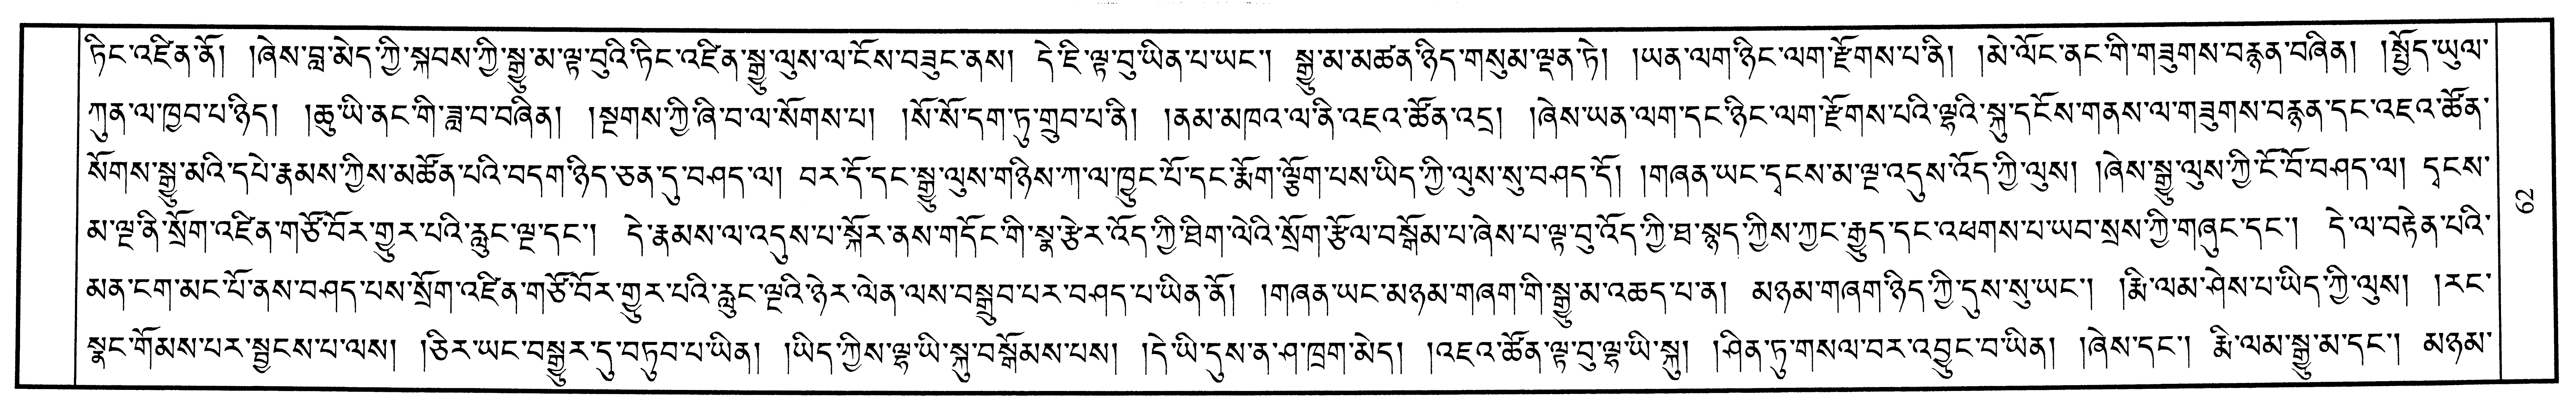ཏིང་འཛིན་ནོ། །ཞེས་བླ་མེད་ཀྱི་སྐབས་ཀྱི་སྒྱུ་མ་ལྟ་བུའི་ཏིང་འཛིན་སྒྱུ་ལུས་ལ་ངོས་བཟུང་ནས། དེ་ཇི་ལྟ་བུ་ཡིན་པ་ཡང་། སྒྱུ་མ་མཚན་ཉིད་གསུམ་ལྡན་ཏེ། །ཡན་ལག་ཉིང་ལག་རྫོགས་པ་ནི། །མེ་ལོང་ནང་གི་གཟུགས་བརྙན་བཞིན། །སྤྱོད་ཡུལ་
ཀུན་ལ་ཁྱབ་པ་ཉིད། །ཆུ་ཡི་ནང་གི་ཟླ་བ་བཞིན། །སྔགས་ཀྱི་ཞི་བ་ལ་སོགས་པ། །སོ་སོ་དག་ཏུ་གྲུབ་པ་ནི། །ནམ་མཁའ་ལ་ནི་འཇའ་ཚོན་འདྲ། །ཞེས་ཡན་ལག་དང་ཉིང་ལག་རྫོགས་པའི་ལྷའི་སྐུ་དངོས་གནས་ལ་གཟུགས་བརྙན་དང་འཇའ་ཚོན་
སོགས་སྒྱུ་མའི་དཔེ་རྣམས་ཀྱིས་མཚོན་པའི་བདག་ཉིད་ཅན་དུ་བཤད་ལ། བར་དོ་དང་སྒྱུ་ལུས་གཉིས་ཀ་ལ་ཁྱུང་པོ་དང་རྨོག་ལྕོག་པས་ཡིད་ཀྱི་ལུས་སུ་བཤད་དོ། །གཞན་ཡང་དྭངས་མ་ལྔ་འདུས་འོད་ཀྱི་ལུས། །ཞེས་སྒྱུ་ལུས་ཀྱི་ངོ་བོ་བཤད་ལ། དྭངས་
མ་ལྔ་ནི་སྲོག་འཛིན་གཙོ་བོར་གྱུར་པའི་རླུང་ལྔ་དང་། དེ་རྣམས་ལ་འདུས་པ་སྐོར་ནས་གདོང་གི་སྣ་རྩེར་འོད་ཀྱི་ཐིག་ལེའི་སྲོག་རྩོལ་བསྒོམ་པ་ཞེས་པ་ལྟ་བུ་འོད་ཀྱི་ཐ་སྙད་ཀྱིས་ཀྱང་རྒྱུད་དང་འཕགས་པ་ཡབ་སྲས་ཀྱི་གཞུང་དང་། དེ་ལ་བརྟེན་པའི་
མན་ངག་མང་པོ་ནས་བཤད་པས་སྲོག་འཛིན་གཙོ་བོར་གྱུར་པའི་རླུང་ལྔའི་ཉེར་ལེན་ལས་བསྒྲུབ་པར་བཤད་པ་ཡིན་ནོ། །གཞན་ཡང་མཉམ་གཞག་གི་སྒྱུ་མ་འཆད་པ་ན། མཉམ་གཞག་ཉིད་ཀྱི་དུས་སུ་ཡང་། །རྨི་ལམ་ཤེས་པ་ཡིད་ཀྱི་ལུས། །རང་
སྣང་གོམས་པར་སྦྱངས་པ་ལས། །ཅིར་ཡང་བསྒྱུར་དུ་བཏུབ་པ་ཡིན། །ཡིད་ཀྱིས་ལྷ་ཡི་སྐུ་བསྒོམས་པས། །དེ་ཡི་དུས་ན་ཤ་ཁྲག་མེད། །འཇའ་ཚོན་ལྟ་བུ་ལྷ་ཡི་སྐུ། །ཤིན་ཏུ་གསལ་བར་འབྱུང་བ་ཡིན། །ཞེས་དང་། རྨི་ལམ་སྒྱུ་མ་དང་། མཉམ་